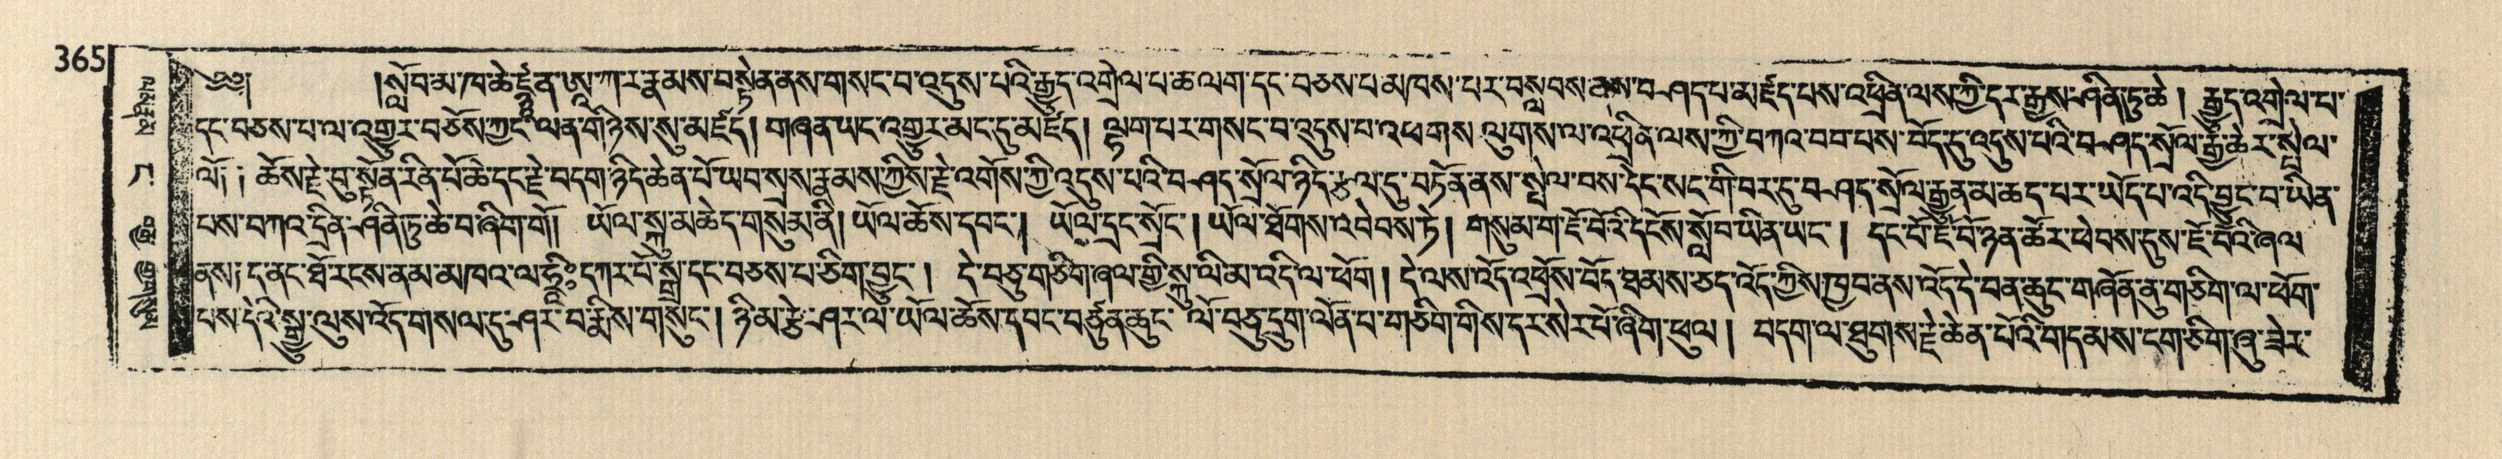༄༅། །སློབ་མ་ཁ་ཆེ་ཛྙཱ་ན་ཨཱ་ཀ་ར་རྣམས་བསྟེན་ནས་གསང་བ་འདུས་པའི་རྒྱུད་འགྲེལ་པ་ཆ་ལག་དང་བཅས་པ་མཁས་པར་བསླབས་ནས་བཤད་པ་མཛད་པས་འཕྲིན་ལས་ཀྱི་དར་རྒྱས་ཤིན་ཏུ་ཆེ། རྒྱུད་འགྲེལ་པ་
དང་བཅས་པ་ལ་འགྱུར་བཅོས་ཀྱང་ལན་གཉིས་སུ་མཛད། གཞན་ཡང་འགྱུར་མང་དུ་མཛད། ལྷག་པར་གསང་བ་འདུས་པ་འཕགས་ལུགས་ལ་འཕྲིན་ལས་ཀྱི་བཀའ་བབ་པས་བོད་དུ་འདུས་པའི་བཤད་སྲོལ་རྒྱ་ཆེར་སྤེལ་
ལོ༑ ༑ཆོས་རྗེ་བུ་སྟོན་རིན་པོ་ཆེ་དང་རྗེ་བདག་ཉིད་ཆེན་པོ་ཡབ་སྲས་རྣམས་ཀྱིས་རྗེ་འགོས་ཀྱི་འདུས་པའི་བཤད་སྲོལ་ཉིད་རྩལ་དུ་བཏོན་ནས་སྤེལ་བས་དེང་སང་གི་བར་དུ་བཤད་སྲོལ་རྒྱུན་མ་ཆད་པར་ཡོད་པ་འདི་བྱུང་བ་ཡིན་
པས་བཀའ་དྲིན་ཤིན་ཏུ་ཆེ་བ་ཞིག་གོ། ཡོལ་སྐུ་མཆེད་གསུམ་ནི། ཡོལ་ཆོས་དབང་། ཡོལ་དྲང་སྲོང་། ཡོལ་ཐོགས་འབེབས་ཏེ། གསུམ་ག་ཇོ་བོའི་དངོས་སློབ་ཡིན་ཡང་། དང་པོ་ཇོ་བོ་ཉན་ཚོར་ཕེབས་དུས་ཇོ་བོའི་ཞལ་
ནས༑ ད་ནང་ཐོ་རངས་ནམ་མཁའ་ལ་ཧྲཱིཿ དཀར་པོ་སྒྲ་དང་བཅས་པ་ཅིག་བྱུང་། དེ་བཅུ་གཅིག་ཞལ་གྱི་སྐུ་ལི་མ་འདི་ལ་ཕོག། དེ་ལས་འོད་འཕྲོས་བོད་ཐམས་ཅད་འོད་ཀྱིས་ཁྱབ་ནས་འོད་དེ་བན་ཆུང་གཞོན་ནུ་གཅིག་ལ་ཕོག་
པས་དེའི་སྒྱུ་ལུས་འོད་གསལ་དུ་ཤར་བ་རྨིས་གསུང་། ཉི་མ་རྩེ་ཤར་ལ་ཡོལ་ཆོས་དབང་བཙུན་ཆུང་ལོ་བཅུ་དྲུག་ལོན་པ་གཅིག་གིས་དར་སེར་པོ་ཞིག་ཕུལ། བདག་ལ་ཐུགས་རྗེ་ཆེན་པོའི་གདམས་ངག་ཅིག་ཞུ་ཟེར་